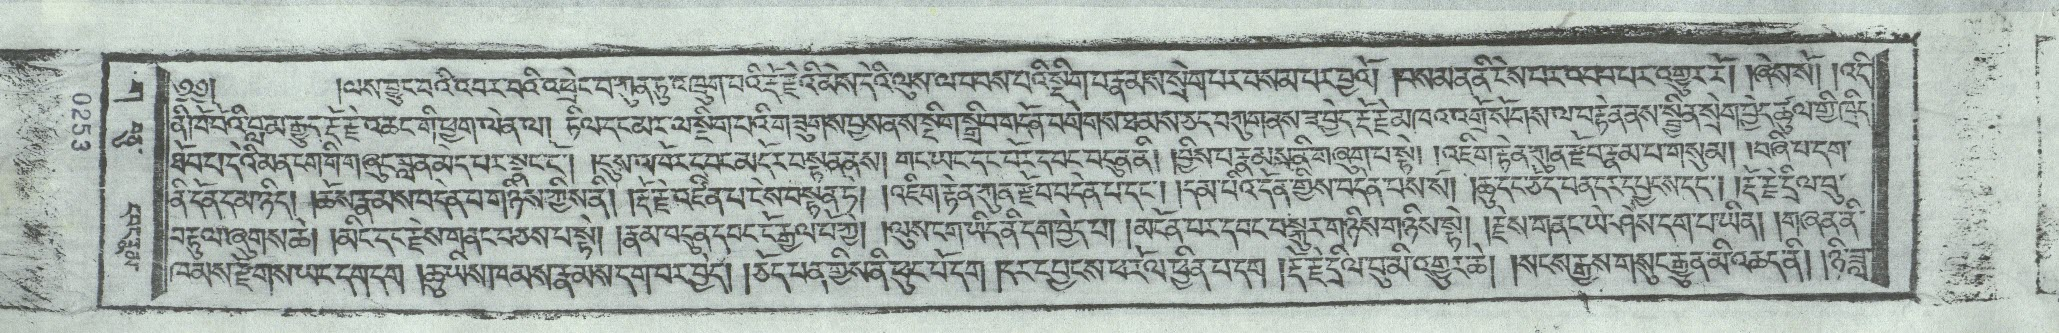༄༅། །ལས་བྱུང་བའི་འབར་བའི་འཕྲེང་བ་ཀུན་ཏུ་འཁྲུག་པའི་རྡོ་རྗེའི་མེས་དེའི་ལུས་ལ་བབས་པའི་སྡིག་པ་རྣམས་སྲེག་པར་བསམ་པར་བྱའོ། །བསམ་ན་ནི་ངེས་པར་འབབ་པར་འགྱུར་རོ། །ཞེས་སོ། །འདི་
ནི་ཁོ་བོའི་བླ་མ་རྒྱུད་རྡོ་རྗེ་འཆང་གི་ཕྱག་ལེན་ལ། ཏིལ་དང་མར་ལ་སྡིག་པའི་གཟུགས་བྱས་ནས་སྡིག་སྒྲིབ་གདོན་བགེགས་ཐམས་ཅད་བཀུག་ནས་ཟ་བྱེད་རྡོ་རྗེ་མཁའ་འགྲོ་སོགས་ལ་བརྟེན་ནས་སྦྱིན་སྲེག་བྱེད་ཚུལ་གྱི་ཁྲིད་
ཐོབ་པ་དེའི་མན་ངག་གི་གཞུང་བླ་ན་མེད་པར་སྣང་ངོ། །དུས་འཁོར་དབང་མདོར་བསྟན་ནས། གང་ཡང་དང་པོར་དབང་བདུན་ནི། །བྱིས་པ་རྣམས་ནི་གཞུག་པ་སྟེ། །འཇིག་རྟེན་ཀུན་རྫོབ་རྣམ་པ་གསུམ། །བཞི་པ་དག་
ནི་དོན་དམ་ཉིད། །ཆོས་རྣམས་བདེན་པ་གཉིས་ཀྱིས་ནི། །རྡོ་རྗེ་འཛིན་པ་ངེས་བསྟན་ཏེ། །འཇིག་རྟེན་ཀུན་རྫོབ་བདེན་པ་དང་། །དམ་པའི་དོན་གྱིས་བདེན་པས་སོ། །ཆུ་དང་ཅོད་པན་དར་དཔྱངས་དང་། །རྡོ་རྗེ་དྲིལ་བུ་
བརྟུལ་ཞུགས་ཆེ། །མིང་དང་རྗེས་གནང་བཅས་པ་སྟེ། །རྣམ་བདུན་དབང་ངོ་རྒྱལ་པོ་ཀྱེ། །ལུས་ངག་ཡིད་ནི་དག་བྱེད་པ། །མངོན་པར་དབང་བསྐུར་གཉིས་གཉིས་སྟེ། །རྗེས་གནང་ཡེ་ཤེས་དག་པ་ཡིན། །གཞན་ནི་
ཁམས་རྫོགས་ཡང་དག་དག །ཆུ་ཡིས་ཁམས་རྣམས་དག་པར་བྱེད། །ཅོད་པན་གྱིས་ནི་ཕུང་པོ་དག །དར་དཔྱངས་ཕ་རོལ་ཕྱིན་པ་དག །རྡོ་རྗེ་དྲིལ་བུ་མི་འགྱུར་ཆེ། །སངས་རྒྱས་གསུང་རྒྱུན་མི་འཆད་ནི། །ཉི་ཟླ་